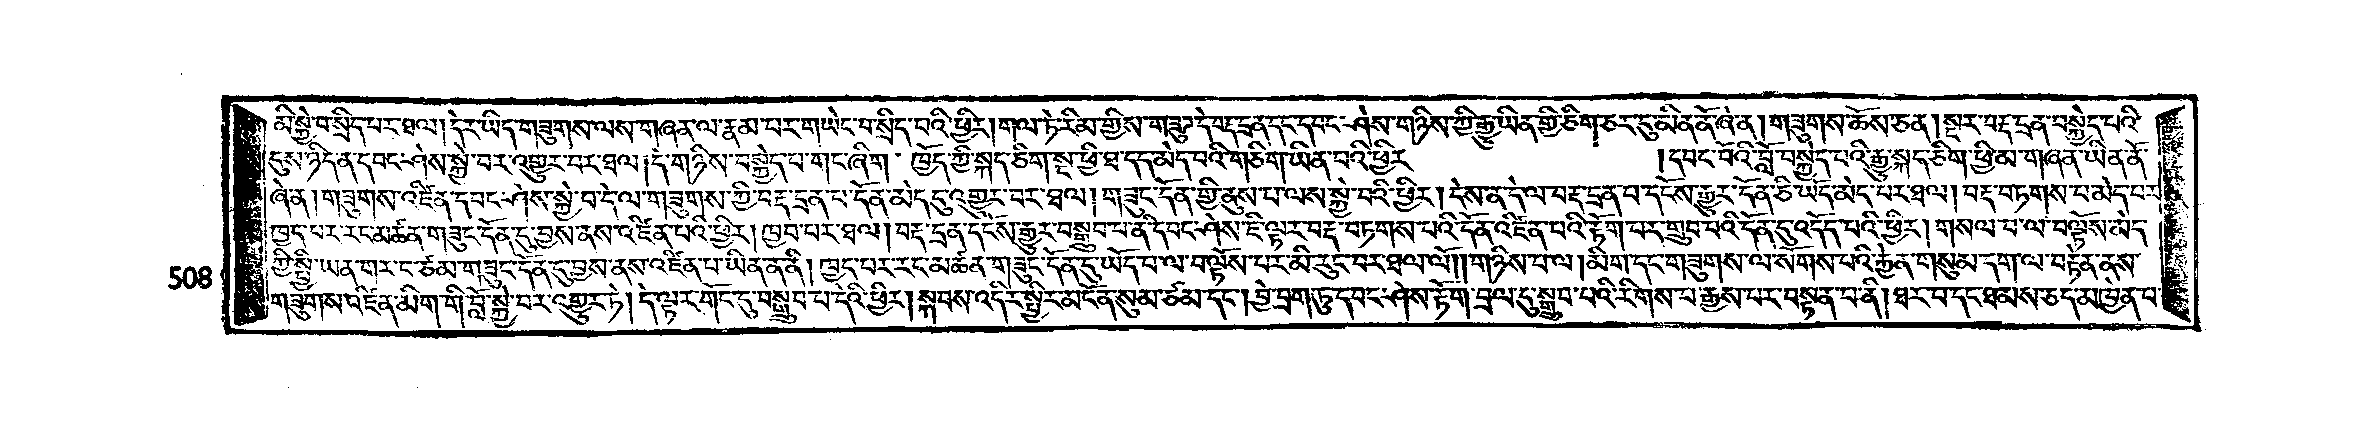མི་སྐྱེ་བ་སྲིད་པར་ཐལ། དེར་ཡིད་གཟུགས་ལས་གཞན་ལ་རྣམ་པར་གཡེང་བ་སྲིད་པའི་ཕྱིར། གལ་ཏེ་རིམ་གྱིས་གཟུགས་དེ་བརྡ་དྲན་དང་དབང་ཤེས་གཉིས་ཀྱི་རྒྱུ་ཡིན་གྱི་ཅིག་ཅར་དུ་མིན་ནོ་ཞེ་ན། གཟུགས་ཆོས་ཅན། སྔར་བརྡ་དྲན་བསྐྱེད་པའི་
དུས་ཉེད་ན་དབང་ཤེས་སྐྱེ་བར་འགྱུར་བར་ཐལ། དེ་གཉིས་བསྐྱེད་པ་གང་ཞིག །ཁྱོད་ཀྱི་སྐད་ཅིག་སྔ་ཕྱི་ཐ་དད་མེད་པའི་གཅིག་ཡིན་པའི་ཕྱིར་།དབང་པོའི་བློ་བསྐྱེད་པའི་རྒྱུ་སྐད་ཅིག་ཕྱི་མ་གཞན་ཡིན་ནོ་
ཞེ་ན། གཟུགས་འཛིན་དབང་ཤེས་སྐྱེ་བ་དེ་ལ་གཟུགས་ཀྱི་བརྡ་དྲན་པ་དོན་མེད་དུ་འགྱུར་བར་ཐལ། གཟུང་དོན་གྱི་ནུས་པ་ལས་སྐྱེ་བའི་ཕྱིར། དེས་ན་དེ་ལ་བརྡ་དྲན་པ་དངོས་རྒྱུར་དོན་ཅི་ཡོད་མེད་པར་ཐལ། བརྡ་བཏགས་པ་མེད་པར་
ཁྱད་པར་རང་མཚན་གཟུང་དོན་དུ་བྱས་ནས་འཛིན་པའི་ཕྱིར། ཁྱབ་པར་ཐལ། བརྡ་དྲན་དངོས་རྒྱུར་བསྒྲུབ་པ་ནི་དབང་ཤེས་ཇི་ལྟར་བརྡ་བཏགས་པའི་དོན་འཛིན་པའི་རྟོག་པར་གྲུབ་པའི་དོན་དུ་འདོད་པའི་ཕྱིར། གསལ་བ་ལ་བལྟོས་མེད་
ཀྱི་སྤྱི་ཡན་གར་ང་ཙམ་གཟུང་དོན་དུ་བྱས་ནས་འཛིན་པ་ཡིན་ན་ནི། ཁྱད་པར་རང་མཚན་གཟུང་དོན་དུ་ཡོད་པ་ལ་བལྟོས་པར་མི་རུང་བར་ཐལ་ལོ། །གཉིས་པ་ལ། མིག་དང་གཟུགས་ལ་སོགས་པའི་རྐྱེན་གསུམ་དག་ལ་བརྟེན་ནས་
གཟུགས་འཛིན་མིག་གི་བློ་སྐྱེ་བར་འགྱུར་ཏེ། དེ་ལྟར་གོང་དུ་བསྒྲུབ་པ་དེའི་ཕྱིར། སྐབས་འདིར་སྤྱིར་མངོན་སུམ་ཙམ་དང་། བྱེ་བྲག་ཏུ་དབང་ཤེས་རྟོག་བྲལ་དུ་སྒྲུབ་པའི་རིགས་པ་རྒྱས་པར་བསྟན་པ་ནི། ཐར་པ་དང་ཐམས་ཅད་མཁྱེན་པ་